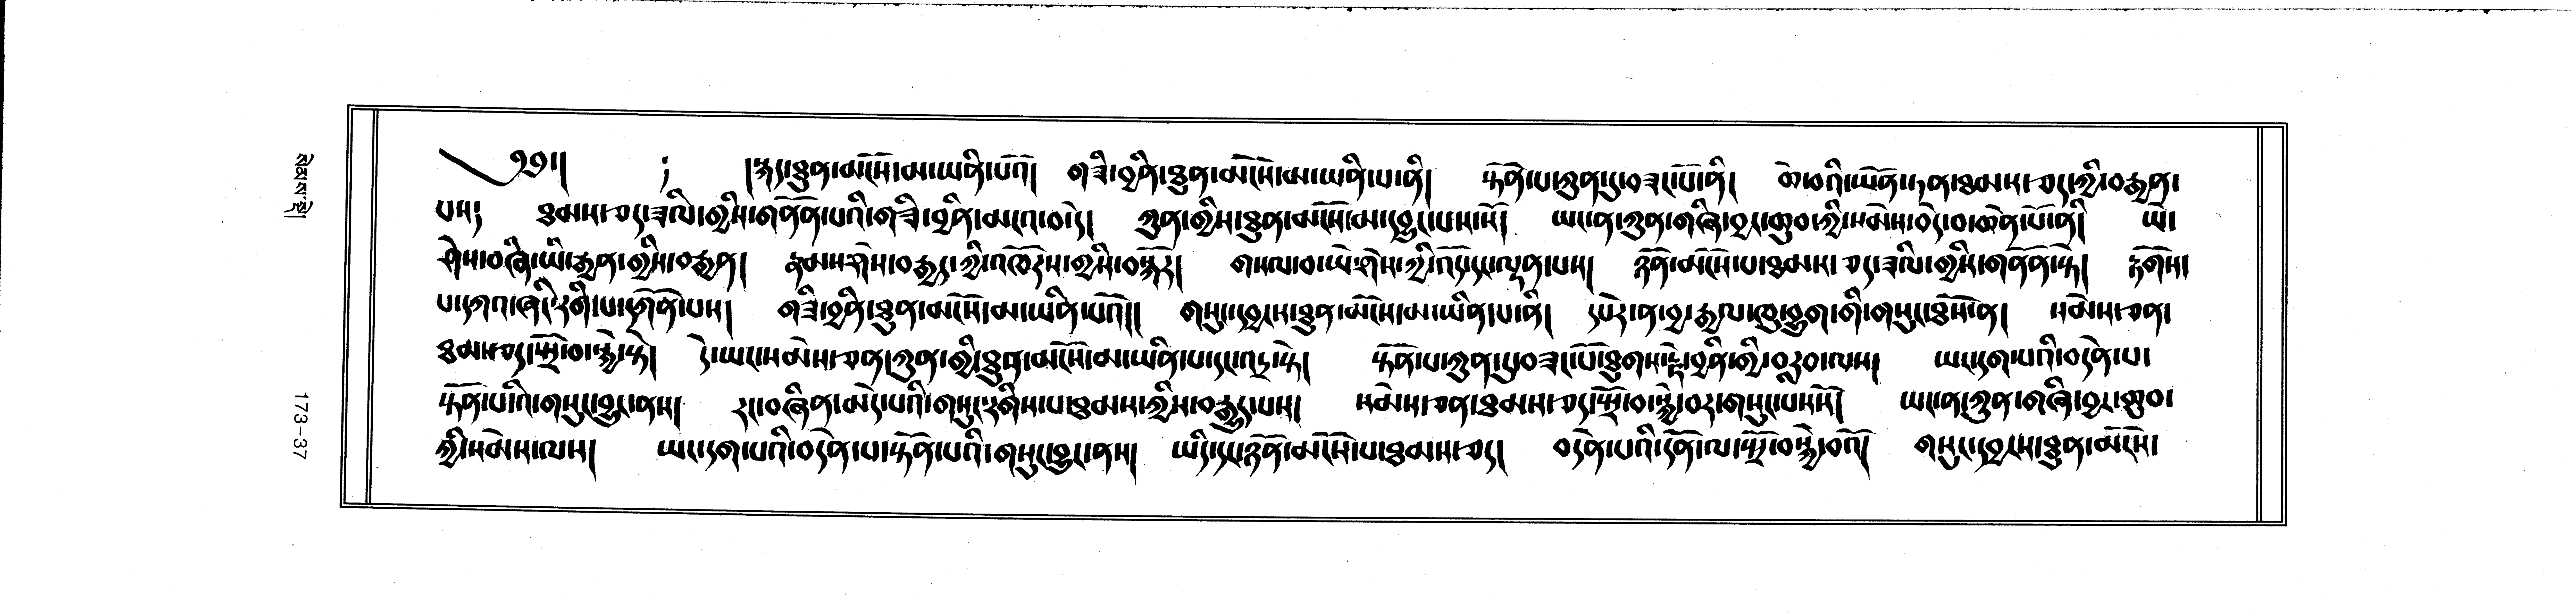སྐད་ཐུན་མོང་མ་ཡིན་པའོ། །གཟི་བྱིན་ཐུན་མོང་མ་ཡིན་པ་ནི། སྟོན་པ་ཀུན་ཏུ་བཟང་པོ་ནི་ཆེ་བའི་ཡོན་ཏན་ཐམས་ཅད་ཀྱིས་བརྒྱན་
པས། ཐམས་ཅད་ཟིལ་གྱིས་གནོན་པའི་གཟི་བྱིན་མངའ་བ་དེ། ཀུན་གྱིས་ཐུན་མོང་མ་དབྱུང་བས་སོ། །ཡང་ན་ཀུན་གཞི་བྱང་ཆུབ་ཀྱི་སེམས་བདེ་བ་ཆེན་པོ་དེ། ཡེ་
ཤེས་བཞི་ཡིས་རྒྱན་གྱིས་བརྒྱན། རྣམ་ཤེས་བརྒྱད་ཀྱིས་འཁོར་གྱིས་བསྐོར། གསལ་བ་ཡེ་ཤེས་ཀྱི་འོད་དང་ལྡན་པས། ཉོན་མོངས་པ་ཐམས་ཅད་ཟིལ་གྱིས་གནོན་ཏེ། རྟོིགས་
པར་དཀའ་ཞིང་རིག་པ་དཀོན་པས། གཟི་བྱིན་ཐུན་མོང་མ་ཡིན་པའོ། །གསུང་དབྱངས་ཐུན་མོང་མ་ཡིན་པ་ནི། དཔེར་ན་བྱ་རྒྱལ་ཁུ་བྱུག་གི་གསུང་ཐོས་ན། སེམས་ཅན་
ཐམས་ཅད་སྤྲོ་བ་སྐྱེ་སྟེ། དེ་ཡང་སེམས་ཅན་ཀུན་གྱི་ཐུན་མོང་མ་ཡིན་པ་དང་འདྲ་སྟེ། སྟོན་པ་ཀུན་ཏུ་བཟང་པོ་ཐུགས་རྗེ་བྱིན་གྱིས་བརླབས་ལས། ཡང་དག་པའི་བདེན་པ་
སྟོན་པའི་གསུང་བྱུང་ནས། རང་བཞིན་མེད་པའི་གསུང་རིག་པ་ཐབས་ཀྱིས་བརྒྱུད་པས། སེམས་ཅན་ཐམས་ཅད་སྤྲོ་བ་སྐྱེ་བར་གསུངས་པས་སོ། །ཡང་ན་ཀུན་གཞི་བྱང་ཆུབ་
ཀྱི་སེམས་ལས་ཡང་དག་པའི་བདེན་པ་སྟོན་པའི་གསུང་བྱུང་ནས། ཡིད་དང་ཉོན་མོངས་པ་ཐམས་ཅད། བདེན་པའི་དོན་ལ་སྤྲོ་བ་སྐྱེ་བའོ། །གསུང་དབྱངས་ཐུན་མོངས་